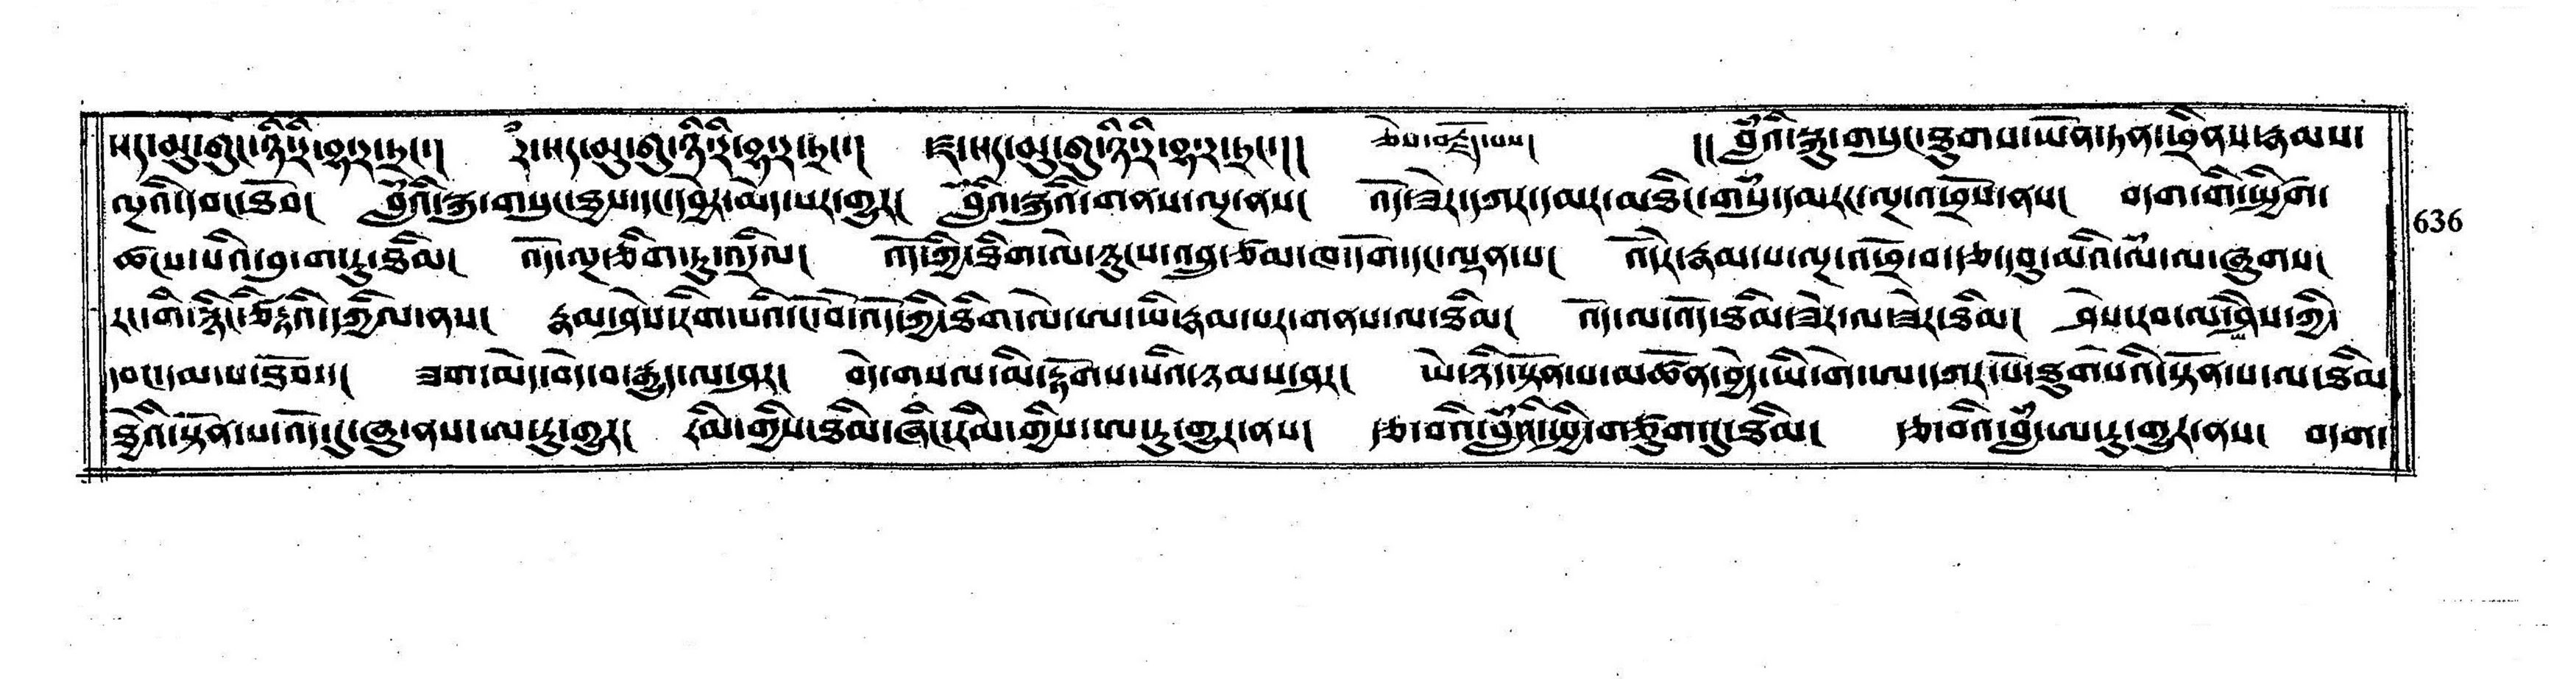སད་མུ་གུང་ཉི་རི་བྷ་ར་ཏྲང་། རཾ་སད་མུ་གུ་ཉི་རི་བྷ་ར་ཏྲང་། ཛ་སད་མུ་གུ་ཉི་རི་བྷ་ར་ཏྲང་།། ཅེས་བརྗོད་པས། །།བླ་མའི་སྐུ་གསུང་ཐུགས་ཡོན་ཏན་ཕྲིན་ལས་རྣམ་
ལྔའི་དབང་ཐོབ། བླ་མའི་སྐུ་གསུང་ཐུགས་དང་དབྱེར་མེད་པར་གྱུར། བླ་མའི་སྐུའི་གནས་ལྔ་ནས། འོད་ཟེར་དཀར་དམར་མཐིང་གསུམ་དམར་ལྗང་ལྔ་འཕྲོས་ནས། བདག་གི་སྤྱི་གཙུག་
ཚངས་པའི་བུ་ག་ཏུ་ཐིམ། འོད་ལྔ་ཅིག་ཏུ་འདྲིལ། འོད་ཀྱི་ཐིག་ལེ་ཉུངས་འབྲུ་ཙམ་ཁ་དོག་དང་ལྡན་པ། འོད་ཟེར་རྣམ་པ་ལྔ་འཕྲོ་བ་རྩ་དབུ་མའི་ལམ་ལ་ཞུགས། 
རང་གི་སྙིང་ཙིཏྟའི་དཀྱིལ་ནས། རྣམ་ཤེས་རིག་པའི་ངོ་བོ་འོད་ཀྱི་ཐིག་ལེ་ཨ་ཡི་རྣམ་པར་གནས་ལ་ཐིམ། འོད་ལ་འོད་ཐིམ་ཟེར་ལ་ཟེར་ཐིམ། ཤེས་རབ་ལ་ཡེ་ཤེས་ཀྱི་
དབང་དམ་པ་ཐོབ། ཟག་མེད་བདེ་བ་རྒྱུད་ལ་ཤར། བདེ་གསལ་མི་རྟོགས་པའི་ཉམས་ཤར། ཡེ་ཉིད་སྟོན་པ་མཚོན་བྱེད་ཡི་གེ་ཨ་དཀར་པོ་ཐུགས་རྗེའི་སྟོན་པ་ལ་ཐིམ་
ཐུགས་རྗེའི་སྟོན་པ་འོད་དུ་ཞུ་ནས་ཨ་རུ་གྱུར། རིམ་གྱིས་ཐིམ་ཞིང་རིམ་གྱིས་ཨ་རུ་གྱུར་ནས། རྩ་བའི་བླ་མའི་སྤྱི་གཙུག་དུ་ཐིམ། རྩ་བའི་བླ་མ་ཨ་རུ་གྱུར་ནས། བདག་